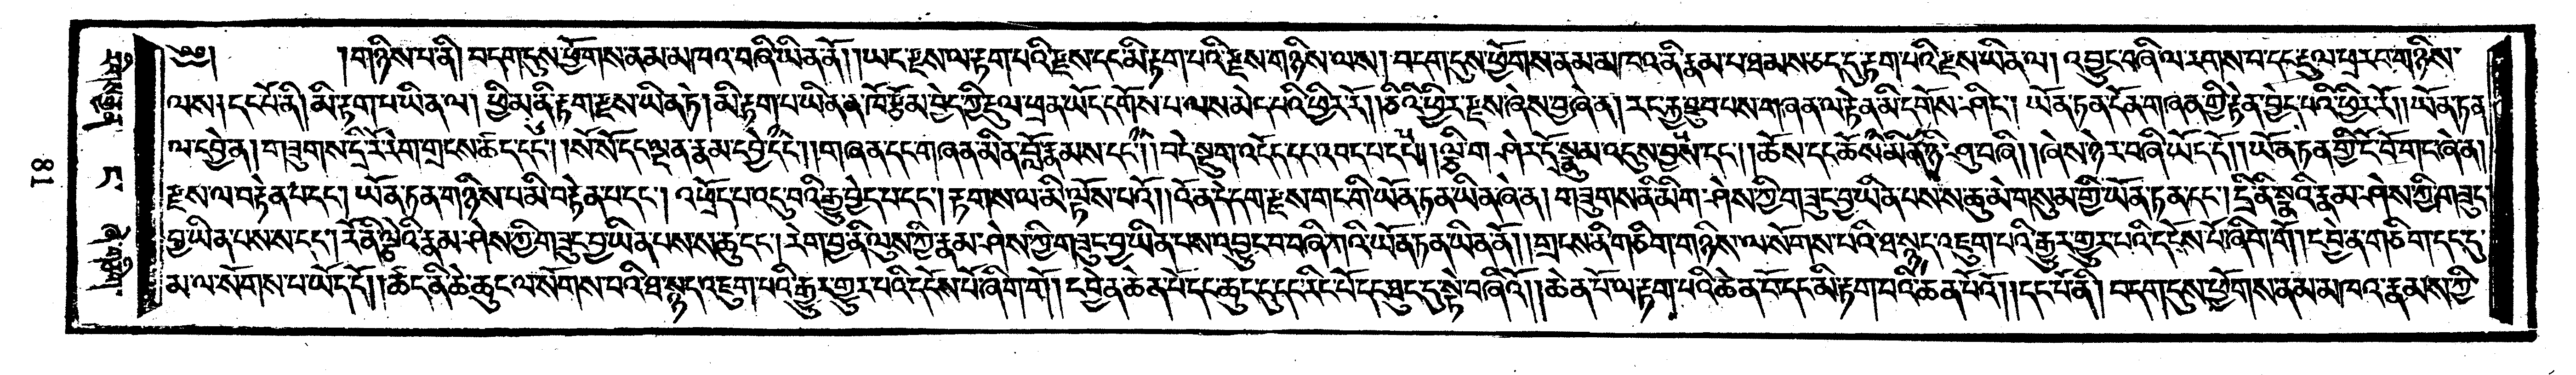༄༅། །གཉིས་པ་ནི། བདག་དུས་ཕྱོགས་ནམ་མཁའ་བཞི་ཡིན་ནོ། །ཡང་རྫས་ལ་རྟག་པའི་རྫས་དང་མི་རྟག་པའི་རྫས་གཉིས་ལས། བདག་དུས་ཕྱོགས་ནམ་མཁའ་ནི་རྣམ་པ་ཐམས་ཅད་དུ་རྟག་པའི་རྫས་ཡིན་ལ། འབྱུང་བཞི་ལ་རགས་པ་དང་རྡུལ་ཕྲ་རབ་གཉིས་
ལས༑ དང་པོ་ནི། མི་རྟག་པ་ཡིན་པ། ཕྱི་མ་ནི་རྟག་རྫས་ཡིན་ཏེ། མི་རྟག་པ་ཡིན་ན་ཁོ་རྩོམ་བྱེད་ཀྱི་རྡུལ་ཕྲན་ཡོད་དགོས་པ་ལས་མེད་པའི་ཕྱིར་རོ། །ཅིའི་ཕྱིར་རྫས་ཞེས་བྱ་ཞེ་ན། རང་རྐྱ་ཐུབ་པས་གཞན་ལ་རྟེན་མི་དགོས་ཤིང་། ཡོན་ཏན་དོན་གཞན་གྱི་རྟེན་བྱེད་པའི་ཕྱིར་རོ། །ཡོན་ཏན་
ལ་དབྱེ་ན། གཟུགས་དྲི་རོ་རེག་གྲངས་ཚད་དང་། །སོ་སོ་དང་ལྡན་རྣམ་དབྱེ་དང་། །གཞན་དང་གཞན་མིན་བློ་རྣམས་དང་། །བདེ་སྡུག་འདོད་དང་འབད་པ་དང་། །ལྕི་གཤེར་དྲོ་སྣུམ་འདུས་བྱས་དང་། །ཆོས་དང་ཆོས་མིན་ཉི་ཤུ་བཞི། །ཞེས་ཉེར་བཞི་ཡོད་དོ། །ཡོན་ཏན་གྱི་ངོ་བོ་གང་ཞེ་ན།
རྫས་ལ་བརྟེན་པ་དང་། ཡོན་ཏན་གཉིས་པ་མི་བརྟེན་པ་དང་། འཕྲོད་པ་འདུ་བའི་རྒྱུ་བྱེད་པ་དང་། རྟགས་ལ་མི་ལྟོས་པའོ། །འོ་ན་དེ་དག་རྫས་གང་གི་ཡོན་ཏན་ཡིན་ཞེ་ན། གཟུགས་ནི་མིག་ཤེས་ཀྱི་གཟུང་བྱ་ཡིན་པས་ས་ཆུ་མེ་གསུམ་གྱི་ཡོན་ཏན་དང་། དྲི་ནི་སྣའི་རྣམ་ཤེས་ཀྱི་གཟུང་
བྱ་ཡིན་པས་ས་དང་། རོ་ནི་ལྕེའི་རྣམ་ཤེས་ཀྱི་གཟུང་བྱ་ཡིན་པས་ས་ཆུ་དང་། རེག་བྱ་ནི་ལུས་ཀྱི་རྣམ་ཤེས་ཀྱི་གཟུང་བྱ་ཡིན་པས་འབྱུང་བ་བཞི་ཀའི་ཡོན་ཏན་ཡིན་ནོ། །གྲངས་ནི་གཅིག་གཉིས་ལ་སོགས་པའི་ཐ་སྙད་འཇུག་པའི་རྒྱུར་གྱུར་པའི་དངོས་པོ་ཞིག་གོ། དབྱེ་ན་གཅིག་དང་དུ་
མ་ལ་སོགས་པ་ཡོད་དོ། །ཚད་ནི་ཆེ་ཆུང་ལ་སོགས་པའི་ཐ་སྙད་འཇུག་པའི་རྒྱུར་གྱུར་པའི་དངོས་པོ་ཞིག་གོ། །དབྱེ་ན་ཆེན་པོ་དང་ཆུང་དུ་དང་རིང་པོ་དང་ཐུང་ངུ་སྟེ་བཞིའོ། །ཆེན་པོ་ལ་རྟག་པའི་ཆེན་པོ་དང་མི་རྟག་པའི་ཆེན་པོའོ། །དང་པོ་ནི། བདག་དུས་ཕྱོགས་ནམ་མཁའ་རྣམས་ཀྱི་